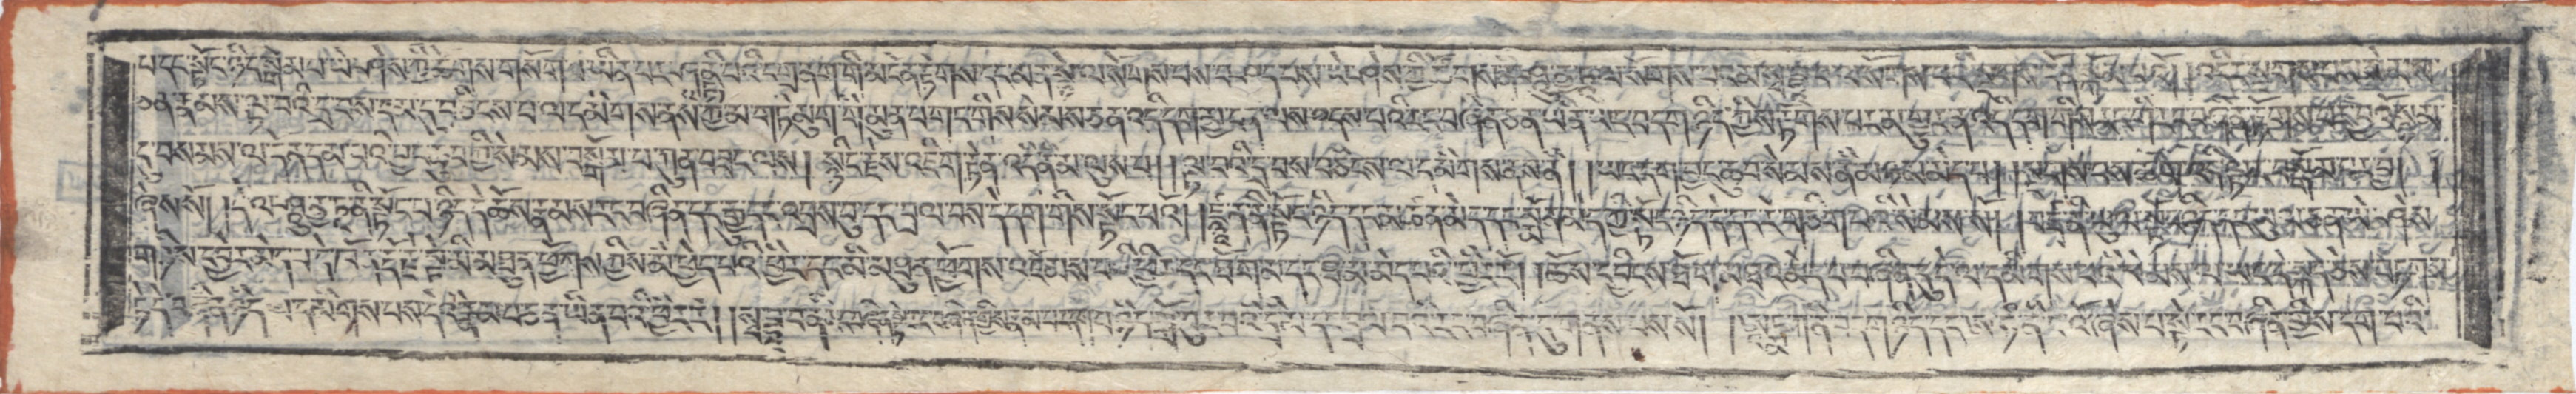པ་དང་སྟོང་ཉིད་སྒོམ་པ་ཡེ་ཤེས་ཀྱི་ཚོགས་གསོག་པ་ཡིན་པར་ཤཱནྟི་པའི་དགྲ་ནག་གི་མངོན་རྟོགས་དང་མན་སྙེ་ལ་སོགས་པས་བཤད་པས་ཡེ་ཤེས་ཀྱི་ཚོགས་ནི་ཤཱུ་ནཡ་ཏཱ་ལ་སོགས་པའམ་སྭ་བྷཱ་བ་ལ་སོགས་པའི་སྔགས་དོན་སྒོམ་པའོ། །འདིར་སྔགས་པས་སེམས་
ཅན་རྣམས་ལྟ་བའི་དྲ་བས་དམ་དུ་བཅིངས་པ་ལ་དམིགས་ནས་ཀྱི་མ་གཏི་མུག་གི་མུན་པ་གང་གིས་སེམས་ཅན་འདི་དག་མྱ་ངན་ལས་འདས་པའི་རང་བཞིན་ཅན་ཡིན་ཡང་བདག་ཉིད་ཀྱིས་རྟོགས་པར་མ་གྱུར་ན་འདི་དག་གིས་རང་གི་རང་བཞིན་རྟོགས་པར་བྱའོ་སྙམ་
དུ་བསམས་ལ་དོན་དམ་པའི་བྱང་ཆུབ་ཀྱི་སེམས་བསྒོམ་པ་ཀུན་བཟང་ལས། སྙིང་རྗེས་འཇིག་རྟེན་འདི་ནི་མ་ལུས་པ། །ལྟ་བའི་དྲ་བས་བཅིངས་ལ་དམིགས་ནས་ནི། །ཡང་དག་བྱང་ཆུབ་སེམས་ནི་མཉམ་མེད་པ། །སྔགས་པས་ཆོ་ག་འདི་ལྟར་བསྒོམ་པར་བྱ། །
ཞེས་སོ། །དེ་ལ་ཤཱུ་ནཡ་ཏཱ་ནི་སྟོང་པ་ཉིད་དེ་ཆོས་རྣམས་རང་བཞིན་དང་རྒྱུ་དང་འབྲས་བུ་དང་བྲལ་བས་དེ་དག་གིས་སྟོང་པའོ། །ཛྙཱ་ན་ནི་སྟོང་ཉིད་དང་མཚན་མེད་དང་སྨོན་མེད་ཀྱི་སྟོང་ཉིད་དེ་དང་རོ་གཅིག་པའི་སེམས་སོ། །བཛྲ་ནི་ཡུལ་སྟོང་ཉིད་དང་ཡུལ་ཅན་ཡེ་ཤེས་
གཉིས་དབྱེར་མེད་པ་དེ་ཁོ་ན་རྡོ་རྗེ་སྟེ་མི་མཐུན་ཕྱོགས་ཀྱིས་མི་ཕྱེད་པའི་ཕྱིར་དང་མི་མཐུན་ཕྱོགས་འཇོམས་པའི་ཕྱིར་དང་ཐོག་མ་དང་ཐ་མ་མེད་པའི་ཕྱིར་རོ། །ཆོས་དབྱིངས་ཐོག་མཐའ་མེད་པ་བཞིན་དུ་དེ་ལ་དམིགས་པའི་སེམས་ལ་ཡང་དེ་སྐད་ཅེས་བཏགས་
ཏེ་དེ་བཞིན་ཉིད་ལ་དམིགས་པས་དེའི་རྣམ་པ་ཅན་ཡིན་པའི་ཕྱིར་རོ། །སྭ་བྷཱ་བ་ནི་རང་བཞིན་སྟེ་རང་བཞིན་གྱིས་རྣམ་པར་དག་པ་ཉིད་གློ་བུར་བའི་དྲི་མ་དང་བྲལ་བའི་རང་བཞིན་དུ་གནས་ཨོཔས་སོ། །ཨཱཏྨ་ཀ་ནི་བདག་ཉིད་དང་ཨ་ཧཾ་ནི་ངའོ་ཞེས་པ་སྟེ་རང་བཞིན་གྱིས་དག་པའི་